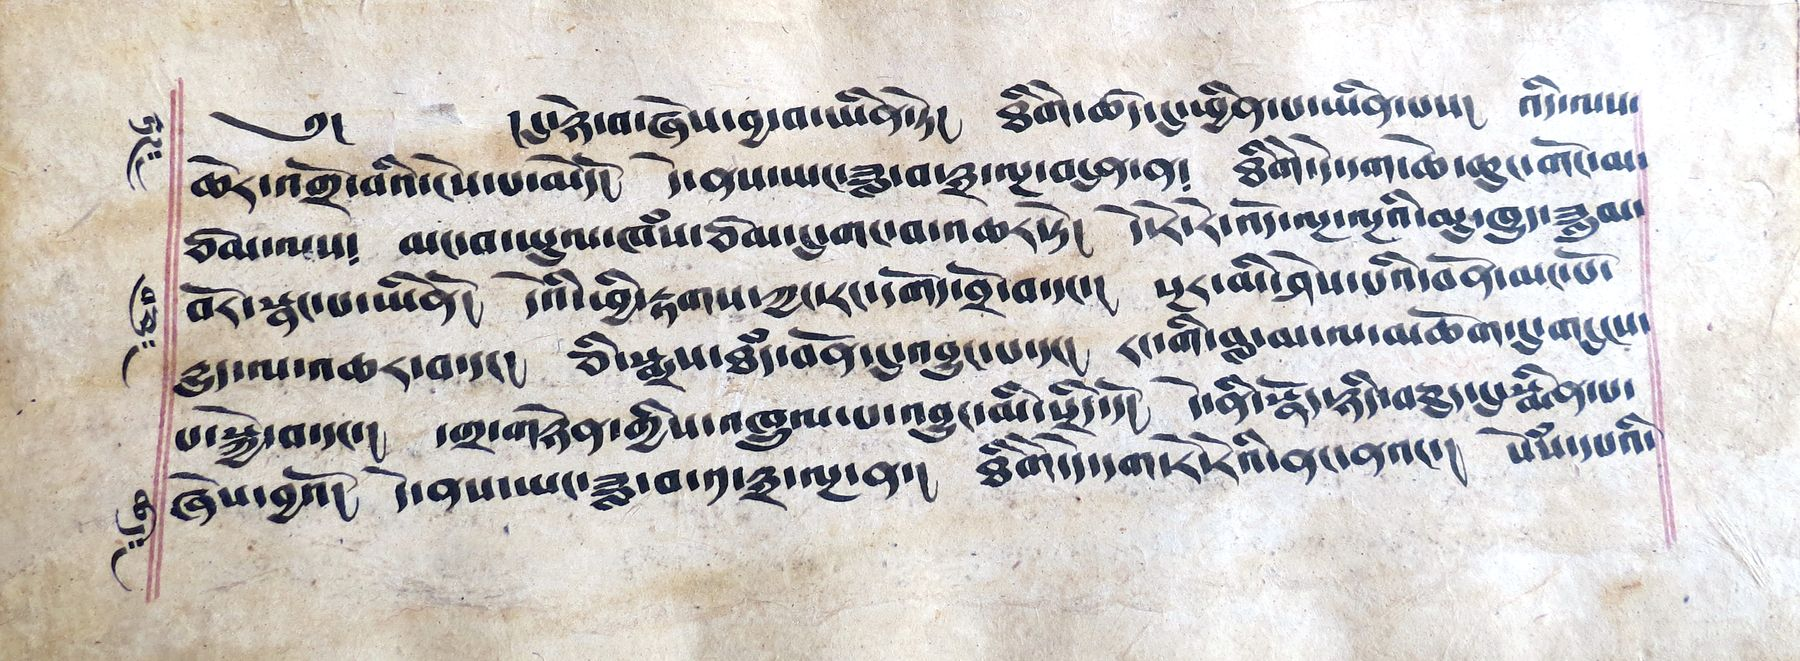དུ་ཉེ་བ་ཞེས་བྱ་བ་སྟེ། ཐིག་ལེ་ཚད་དུ་ཕྱིན་པ་ཡིན་པས། འདི་ལས་
ཆེར་འགྲོ་བའི་ངེས་པ་མེད་དོ། །དེ་ནས་ཡང་ཟླ་བ་གསུམ་ལྔ་བདུན་ན། ཐིག་ལེ་དེ་དག་ཆེ་ཆུང་གོང་མ་
ཙམ་ལས། མང་བ་ཡུལ་ཁམས་ཙམ་དུ་གང་བར་འཆར་ཏེ། དེ་རེ་རེ་ལ་འོད་ལྔའི་མུ་ཁྱུད་ཟླུམ་
པོར་སྣང་བ་ཡིན་ནོ། །དེའི་ཕྱི་རྟགས་ཀྱང་རང་རྒོད་བྲོ་བ་དང་། སྔར་མི་ཤེས་པའི་བོན་མང་པོ་
རྒྱུད་ལ་འཆར་བ་དང་། ཅི་སྨྲས་ཐམས་ཅད་བོན་དུ་འབྱུང་བ་དང་། རང་གི་བླ་མ་ལ་མཆོག་ཏུ་གདུང་
བ་སྐྱེ་བ་དང་། དགྲ་གཉེན་ཀྱི་འཁྲུལ་པ་འབྱུང་མི་སྲིད་དོ། །དེ་ནི་སྣོད་ཉིད་བཅུད་དུ་སྨིན་པ་
ཞེས་བྱའོ། དེ་ནས་ཟླ་བ་གཅིག་གསུམ་ལྔ་ན། ཐིག་ལེ་དེ་དག་རེ་རེའི་ནང་དུ་ཡང་། སེམས་དཔའི་